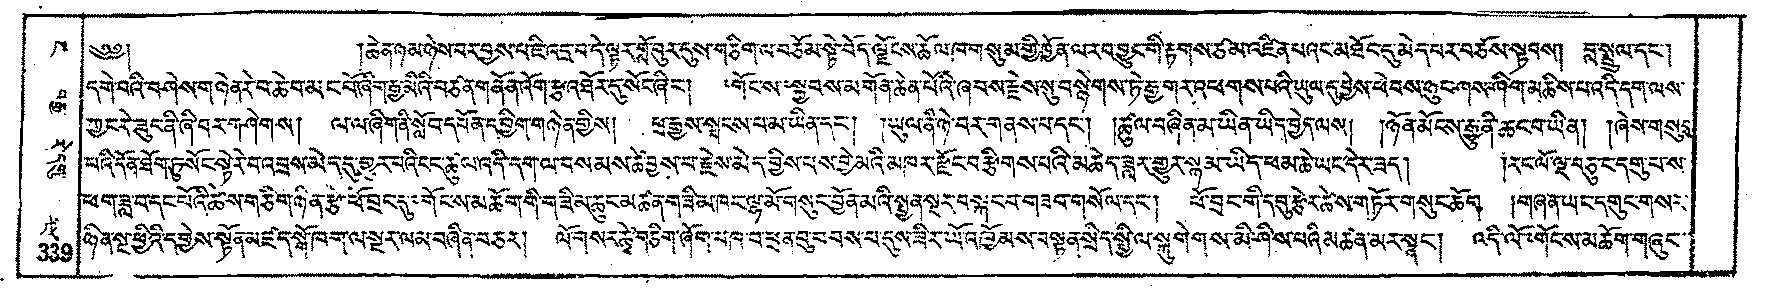༄༅། །ཆེན་ཉམ་ཉེས་པར་བྱས་པ་ཇི་འདྲ་བ་དེ་ལྟར་གློ་བུར་དུས་གཅིག་ལ་བཅོམ་སྟེ་བོད་ལྗོངས་ཆོལ་ཁ་གསུམ་གྱི་ཁྱོན་ལ་རབ་བྱུང་གི་རྟགས་ཙམ་འཛིན་པའང་མཐོང་དུ་མེད་པར་བཅོས་སྟབས། བླ་སྤྲུལ་དང་།
དགེ་བའི་བཤེས་གཉེན་རེ་བ་ཆེ་བ་མང་པོ་ཞིག་རྒྱ་མིའི་བཙན་གནོན་འོག་རྩ་འཐོར་དུ་སོང་ཞིང་། ༧གོང་ས་༧སྐྱབས་མགོན་ཆེན་པོའི་ཞབས་རྗེས་སུ་བསྙེགས་ཏེ་རྒྱ་གར་འཕགས་པའི་ཡུལ་དུ་བྱེས་ཕེབས་ཉུང་ཤས་ཤིག་མཆིས་པ་འདི་དག་ལས་
ཀྱང་རེ་ཟུང་ནི་ཞི་བར་གཤེགས། ལ་ལ་ཞིག་ནི་སློབ་དཔོན་དབྱིག་གཉེན་གྱིས། ཕྲ་རྒྱས་སྤངས་པ་མ་ཡིན་དང་། །ཡུལ་ནི་ཉེ་བར་གནས་པ་དང་། །ཚུལ་བཞིན་མ་ཡིན་ཡིད་བྱེད་ལས། །ཉོན་མོངས་རྒྱུ་ནི་ཆང་བ་ཡིན། །ཞེས་གསུངས་
པའི་དོན་ཐོག་ཏུ་སོང་སྟེ་རེ་བ་འབྲས་མེད་དུ་གྱུར་པའི་ངང་ཚུལ་འདི་དག་ལ་བསམས་ཚེ་བྱས་པ་རྗེས་མེད་བྱིས་པས་བྱེ་མའི་མཁར་རྫོང་བརྩིགས་པའི་མཆེད་ཟླར་གྱུར་སྙམ་ཡིད་ཕམ་ཆེ་ཡང་དེར་ཟད། །རང་ལོ་ལྔ་བཅུ་ང་དགུ་པ་ས་
ཕག་ཟླ་བ་དང་པོའི་ཚེས་གཅིག་ཉིན་རྩེ་ཕོ་བྲང་དུ་༧གོང་ས་མཆོག་གི་གཟིམ་ཆུང་མཚན་གཟིམ་ཁང་ལྷ་མོ་གསུང་བྱོན་མའི་སྤྱན་སྔར་བསྐང་བ་གཟབ་གསོལ་དང་། ཕོ་བྲང་གི་དབུ་རྩེར་ཚེས་གཏོར་གསུང་ཆོག །གཞན་ཡང་དགུང་གསར་
ཉིན་སྔ་ཕྱིའི་དགྱེས་སྟོན་མཛད་སྒོ་ཁག་ལ་སྔར་ལམ་བཞིན་བཅར། ལོ་གསར་ཚེས་གཅིག་ཞོག་པ་ཁ་བ་ཕྲན་བུ་བབས་པ་དུས་ཟིར་ཡོ་འཁྱོམས་བསྟན་སྲིད་སྤྱི་ལ་སྐུ་གེགས་མི་ཤིས་པའི་མཚན་མར་སྣང་། འདི་ལོ་༧གོང་ས་མཆོག་གཞུང་